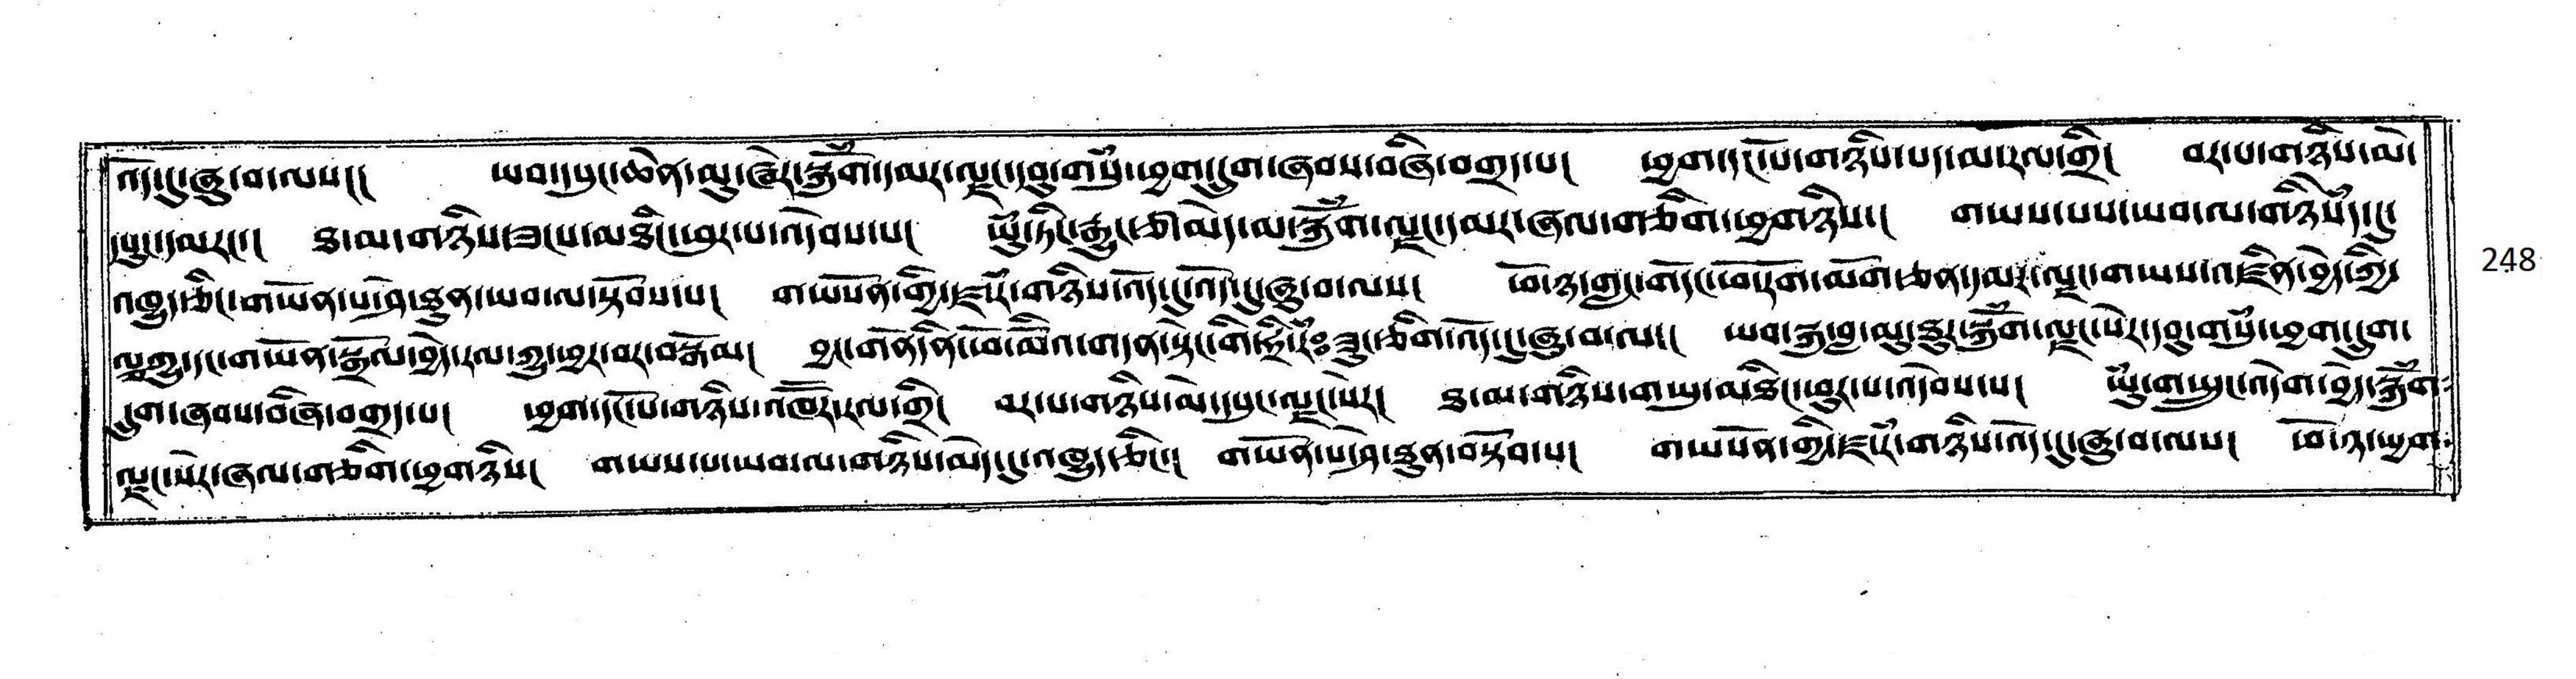འོད་དུ་ཞུ་བ་ལས།། ཡབ་དཔུང་ཆེན་མུ་ཝེར་སྐུ་མདོག་དམར་ལྗང་དབུ་གསུམ་ཕྱག་དྲུག་ཞབས་བཞི་བགྲད་པ། ཕྱག་དང་པོ་གཉིས་པད་མ་རལ་གྲི། བར་པ་གཉིས་མེ་
དཔུང་དམར་ལྗང་། ཐ་མ་གཉིས་ཟངས་མཐིང་ཕུར་པ་འདེབས་པ། ཡུམ་ཏིང་རྒྱུང་ཙ་མེད་མ་སྐུ་མདོག་ལྗང་དམར་ཞལ་གཅིག་ཕྱག་གཉིས། གཡས་པས་ཡབ་ལ་གཉིས་མེད་དུ་
འཁྱུད་ཅིང་གཡོན་པ་ཤེ་ཐུན་ཡབ་ལ་སྟོབས་པ། གཡས་གཡོན་གྱི་ཛ་རཾ་གཉིས་འོད་དུ་འོད་དུ་ཞུ་བ་ལས། ཕོ་ཉ་གླང་གདོང་ཕོ་རོག་མགོ་ཅན་དམར་ལྗང་གཡས་འཛིན་བྱེད་ཀྱི་
ལྕག་ཀྱུ་དང་གཡོན་སྒྲོལ་བྱེད་རལ་ཀྱུ་ཕྱར་བར་བསྒོམ། བྱང་གནོད་སྦྱིན་ཕོ་མོའི་གདན་སྟེང་གི་ཧྲི་རཾཿཟུང་ཅིག་འོད་དུ་ཞུ་བ་ལ།། ཡབ་སྐུ་བླ་མུ་ཐུར་སྐུ་མདོག་ལྗང་སེར་དབུ་གསུམ་ཕྱག་དྲུག་
དྲུག་ཞབས་བཞི་བགྲད་པ། ཕྱག་དང་པོ་གཉིས་འཁོར་ལོ་རལ་གྲི། བར་པ་གཉིས་མེ་དཔུང་ལྗང་སེར། ཐ་མ་གཉིས་གཡུ་མཐིང་ཕུར་པ་འདེབས་པ། ཡུམ་གཡུང་དྲུང་འདེག་བྱེད་སྐུ་མདོག་
ལྗང་སེར་ཞལ་གཅིག་ཕྱག་གཉིས། གཡས་པ་ཡབ་ལ་གཉིས་མེད་དུ་འཁྱུད་ཅིང་། གཡོན་པ་ཤེ་ཐུན་བསྟོབ་པ། གཡས་གཡོན་གྱི་ཛ་རཾ་གཉིས་འོད་དུ་ཞུ་བ་ལས། ཕོ་ཉ་གཡག་